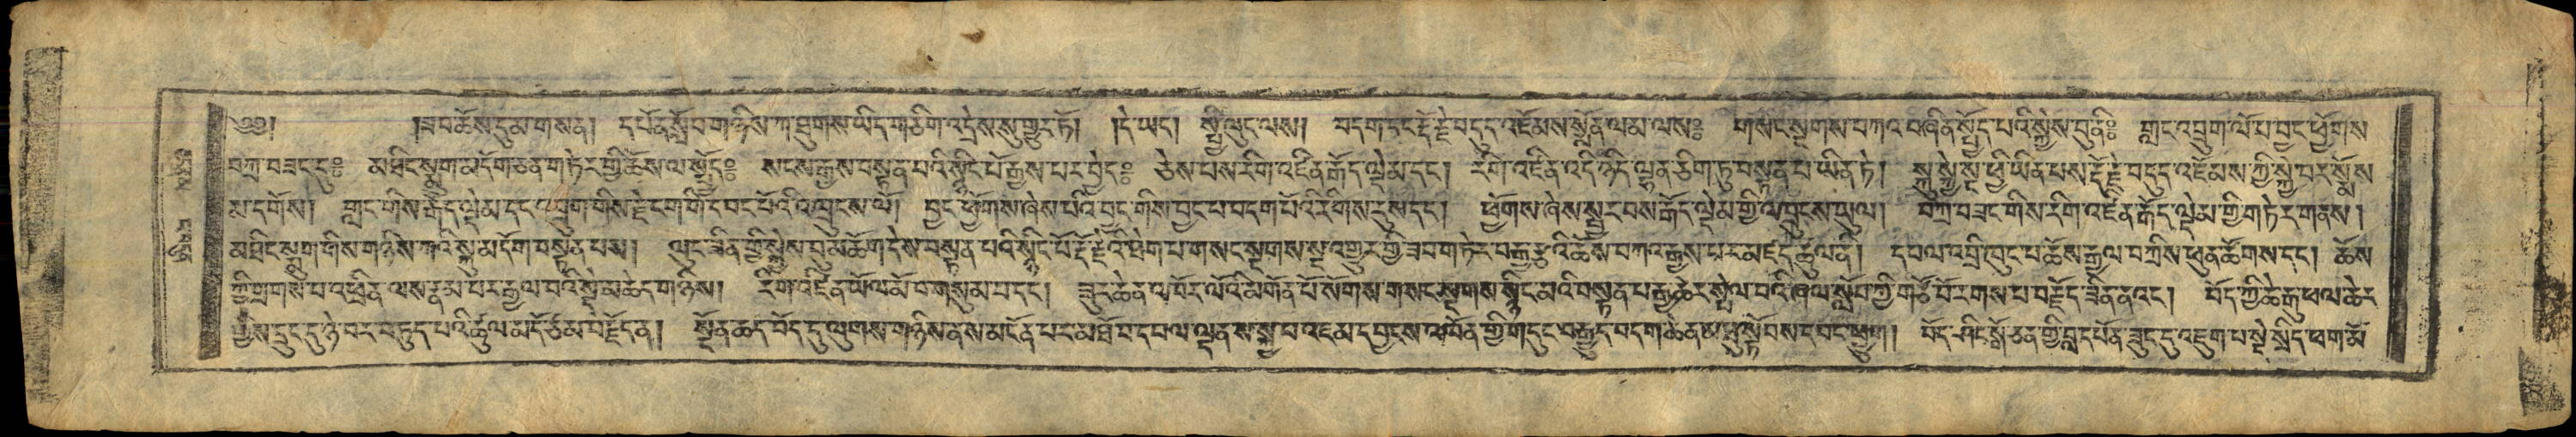༄༅། །ཟབ་ཆོས་དུམ་གསན། དཔོན་སློབ་གཉིས་ཀ་ཐུགས་ཡིད་གཅིག་འདྲེས་སུ་གྱུར་ཏོ། །དེ་ཡང་། སྤྱི་ལུང་ལས། བདག་དང་རྡོ་རྗེ་བདུད་འཇོམས་སྨོན་ལམ་ལསཿ་གསང་སྔགས་བཀའ་བཞིན་སྤྱོད་པའི་སྐྱེས་བུ་ནིཿ་གླང་འབྲུག་ལོ་པ་བྱང་ཕྱོགས་
བཀྲ་བཟང་དུཿ་མཐིང་སྨུག་མདོག་ཅན་གཏེར་གྱི་ཆོས་ལ་སྤྱོདཿ་སངས་རྒྱས་བསྟན་པའི་སྙིང་པོ་རྒྱས་པར་བྱེདཿ་ཅེས་པས་རིག་འཛིན་རྒོད་ལྡེམ་དང་། རིག་འཛིན་འདི་ཉིད་ལྷན་ཅིག་ཏུ་བསྟན་པ་ཡིན་ཏེ། སྐུ་སྐྱེ་སྔ་ཕྱི་ཡིན་པས་རྡོ་རྗེ་བདུད་འཇོམས་ཀྱི་སྐྱེ་བར་སྨོས་
མ་དགོས། གླང་གིས་རྒོད་ལྡེམ་དང་འབྲུག་གིས་རྗེ་ངག་གི་དབང་པོའི་འཁྲུངས་ལོ། བྱང་ཕྱོགས་ཞེས་པའི་བྱང་གིས་བྱང་པ་བདག་པོའི་རིགས་རུས་དང་། ཕྱོགས་ཞེས་སྦྱར་བས་རྒོད་ལྡིམ་གྱི་འཁྲུངས་ཡུལ། བཀྲ་བཟང་གིས་རིག་འཛིན་རྒོད་ལྡེམ་གྱི་གཏེར་གནས།
མཐིང་སྨུག་གིས་གཉིས་ཀའི་སྐུ་མདོག་བསྟན་པས། ལུང་ཟིན་གྱི་སྐྱེས་བུ་མཆོག་དེས་བསྟན་པའི་སྙིང་པོ་རྡོ་རྗེའི་ཐེག་པ་གསང་སྔགས་སྔ་འགྱུར་གྱི་ཟབ་གཏེར་བརྒྱ་རྩའི་ཆོས་བཀའ་རྒྱས་པར་མཛད་ཚུལ་ནི། དཔལ་འབྲི་ཁུང་པ་ཆོས་རྒྱལ་བཀྲིས་ཕུན་ཚོགས་དང་། ཆོས་
གྱི་གྲགས་པ་འཕྲིན་ལས་རྣམ་པར་རྒྱལ་བའི་སྡེ་མཆེད་གཉིས། རིག་འཛིན་ཡོལ་མོ་བ་གསུམ་པ་དང་། ཟུར་ཆེན་འཁོར་ལོའི་མགོན་པོ་སོགས་གསང་སྔགས་སྙིང་མའི་བསྟན་པ་རྒྱ་ཆེར་སྤེལ་བའི་ཞལ་སློབ་ཀྱི་གཙོ་བོ་རགས་པ་བརྗོད་ཟིན་ནའང་། བོད་ཀྱི་ཆེ་རྒུ་ཕལ་ཆེར་
གྱིས་དྲུང་དུ་ཉེ་བར་བཏུད་པའི་ཚུལ་མདོ་ཙམ་བརྗོད་ན། སྔོན་ཆད་བོད་དུ་ལུགས་གཉིས་ནས་མངོན་པར་མཐོ་བ་དཔལ་ལྡན་ས་སྐྱ་པ་འཇམ་དབྱངས་འཁོན་གྱི་གདུང་བརྒྱུད་བདག་ཆེན་མཐུ་སྟོབས་དབང་ཕྱུག། ཡོད་?་ཤིང་སྒོ་ཅན་གྱི་བླ་དཔོན་ཟུང་དུ་འཇུག་པ་སྡེ་སྲིད་ཕག་མོ་